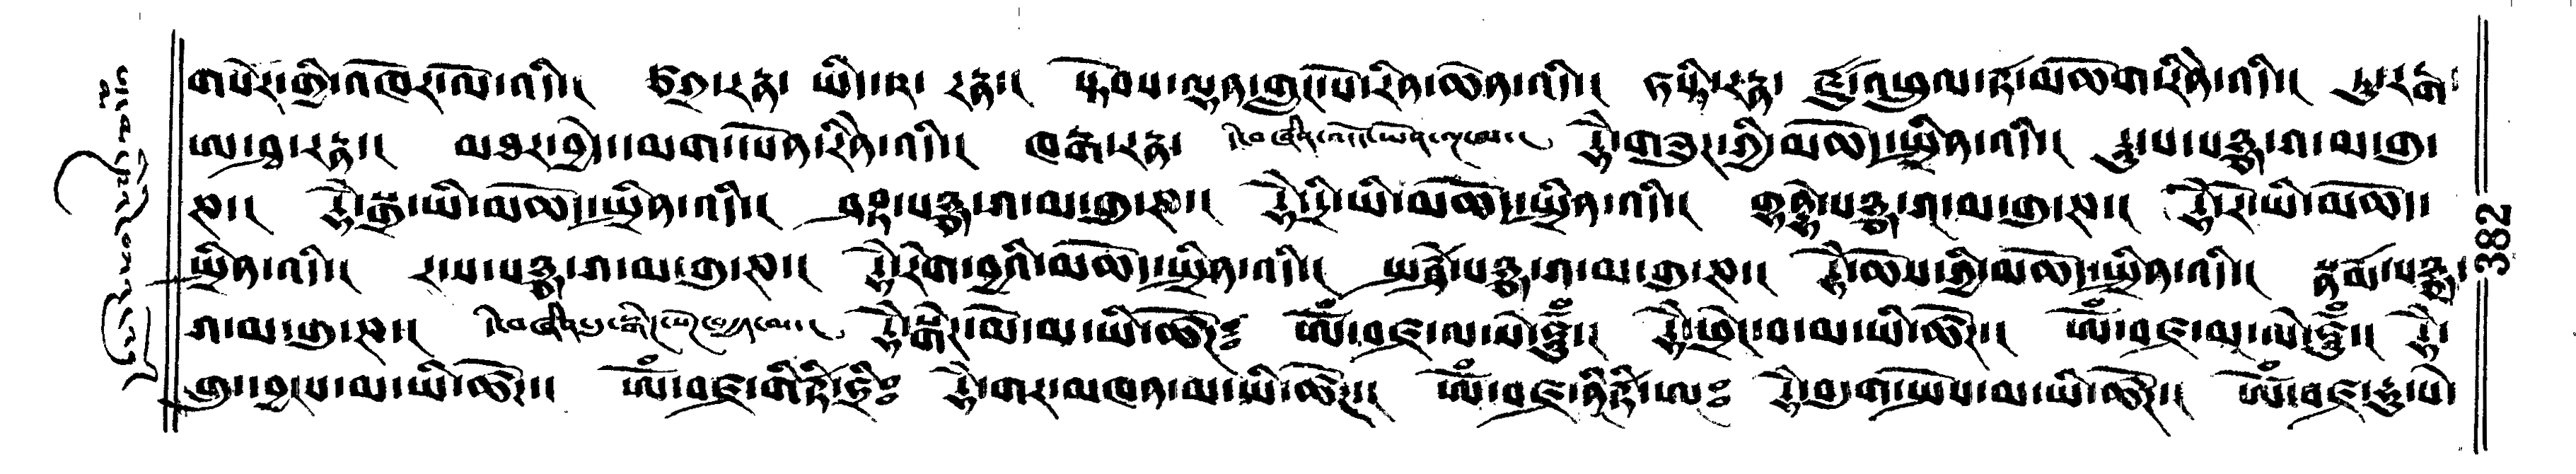གསེར་གྱི་འཁོར་ལོ་འདི། ཙཀྲ་རཏྣ། ཡིད་ར་རཏྣ། མཚམས་འདི་ནས་མ་དཔེར་ནོར་བུ་བཙུན་མོ་བློན་པོ་བཅས་འབུལ་པའི་ཚིག་རྐང་འགའ་ཞིག་ཆད་དམ་སྙམ། (?) སྟོབས་ལྡན་གླང་པོ་རིན་ཆེན་འདི། ཧསྟི་རཏྣ། རྫུ་འཕྲུལ་རྟ་མཆོག་རིན་ཆེན་འདི། ཏུ་རངྒ་
ཨ་ཤྭ་རཏྣ་མཐར་བྱེད་དམག་དཔོན་རིན་ཆེན་འདི། ཁཏྐ་རཏྣ། དེ་བཞིན་འདོད་ཡོན་ལྔ་ལ། རྡོ་རྗེ་གཟུགས་ཀྱི་མཆོད་སྤྲིན་འདི། རཱུ་པ་པཉྩ་ཀ་མ་གུ་
ཎ། རྡོ་རྗེ་སྒྲ་ཡི་མཆོད་སྤྲིན་འདི། ཤབྡ་པཉྩ་ཀ་མ་གུ་ཎ། རྡོ་རྗེ་དྲི་ཡི་མཆོད་སྤྲིན་འདི། གྷནྡྷེ་པཉྩ་ཀ་མ་གུ་ན། རྡོ་རྗེ་རོ་ཡི་མཆོད་
སྤྲིན་འདི། གྷནྡྷེ་པཉྩ་ཀ་མ་གུ་ན། རྡོ་རྗེ་རོ་ཡི་མཆོད་སྤྲིན་འདི། ར་ས་པཉྩ་ཀ་མ་གུ་ན། རྡོ་རྗེ་རེག་བྱའི་མཆོད་སྤྲིན་འདི། སྤརྴེ་པཉྩ་ཀ་མ་གུ་ཎ། རྡོ་ཆོས་ཀྱི་མཆོད་སྤྲིན་འདི། དྣརྨ་པཉྩ་
ཀ་མ་གུ་ཎ། དེ་བཞིན་དུ་སྒེག་སོགས་བརྒྱད་ལ། རྡོ་རྗེ་སྒེག་མོ་མ་ཡི་ཚོགས། ཨོཾ་བཛྲ་ལ་སྱེ་ཧཱུྃ། རྡོ་རྗེ་ཕྲེང་བ་མ་ཡི་ཚོགས། ཨོཾ་བཛྲ་མཱ་ལྱེ་ཧཱུྃ། རྡོ་རྗེ་
གླུ་དབྱངས་མ་ཡི་ཚོགས། ཨོཾ་བཛྲ་གིརྟི་ཧྲིཿ རྡོ་རྗེ་གར་མཁན་མ་ཡི་ཚོགས། ཨོཾ་བཛྲ་ནཱིརྟི་ཨཱཿ རྡོ་རྗེ་བདུག་སྤོས་མ་ཡི་ཚོགས། ཨོཾ་བཛྲ་དྷུ་པེ་